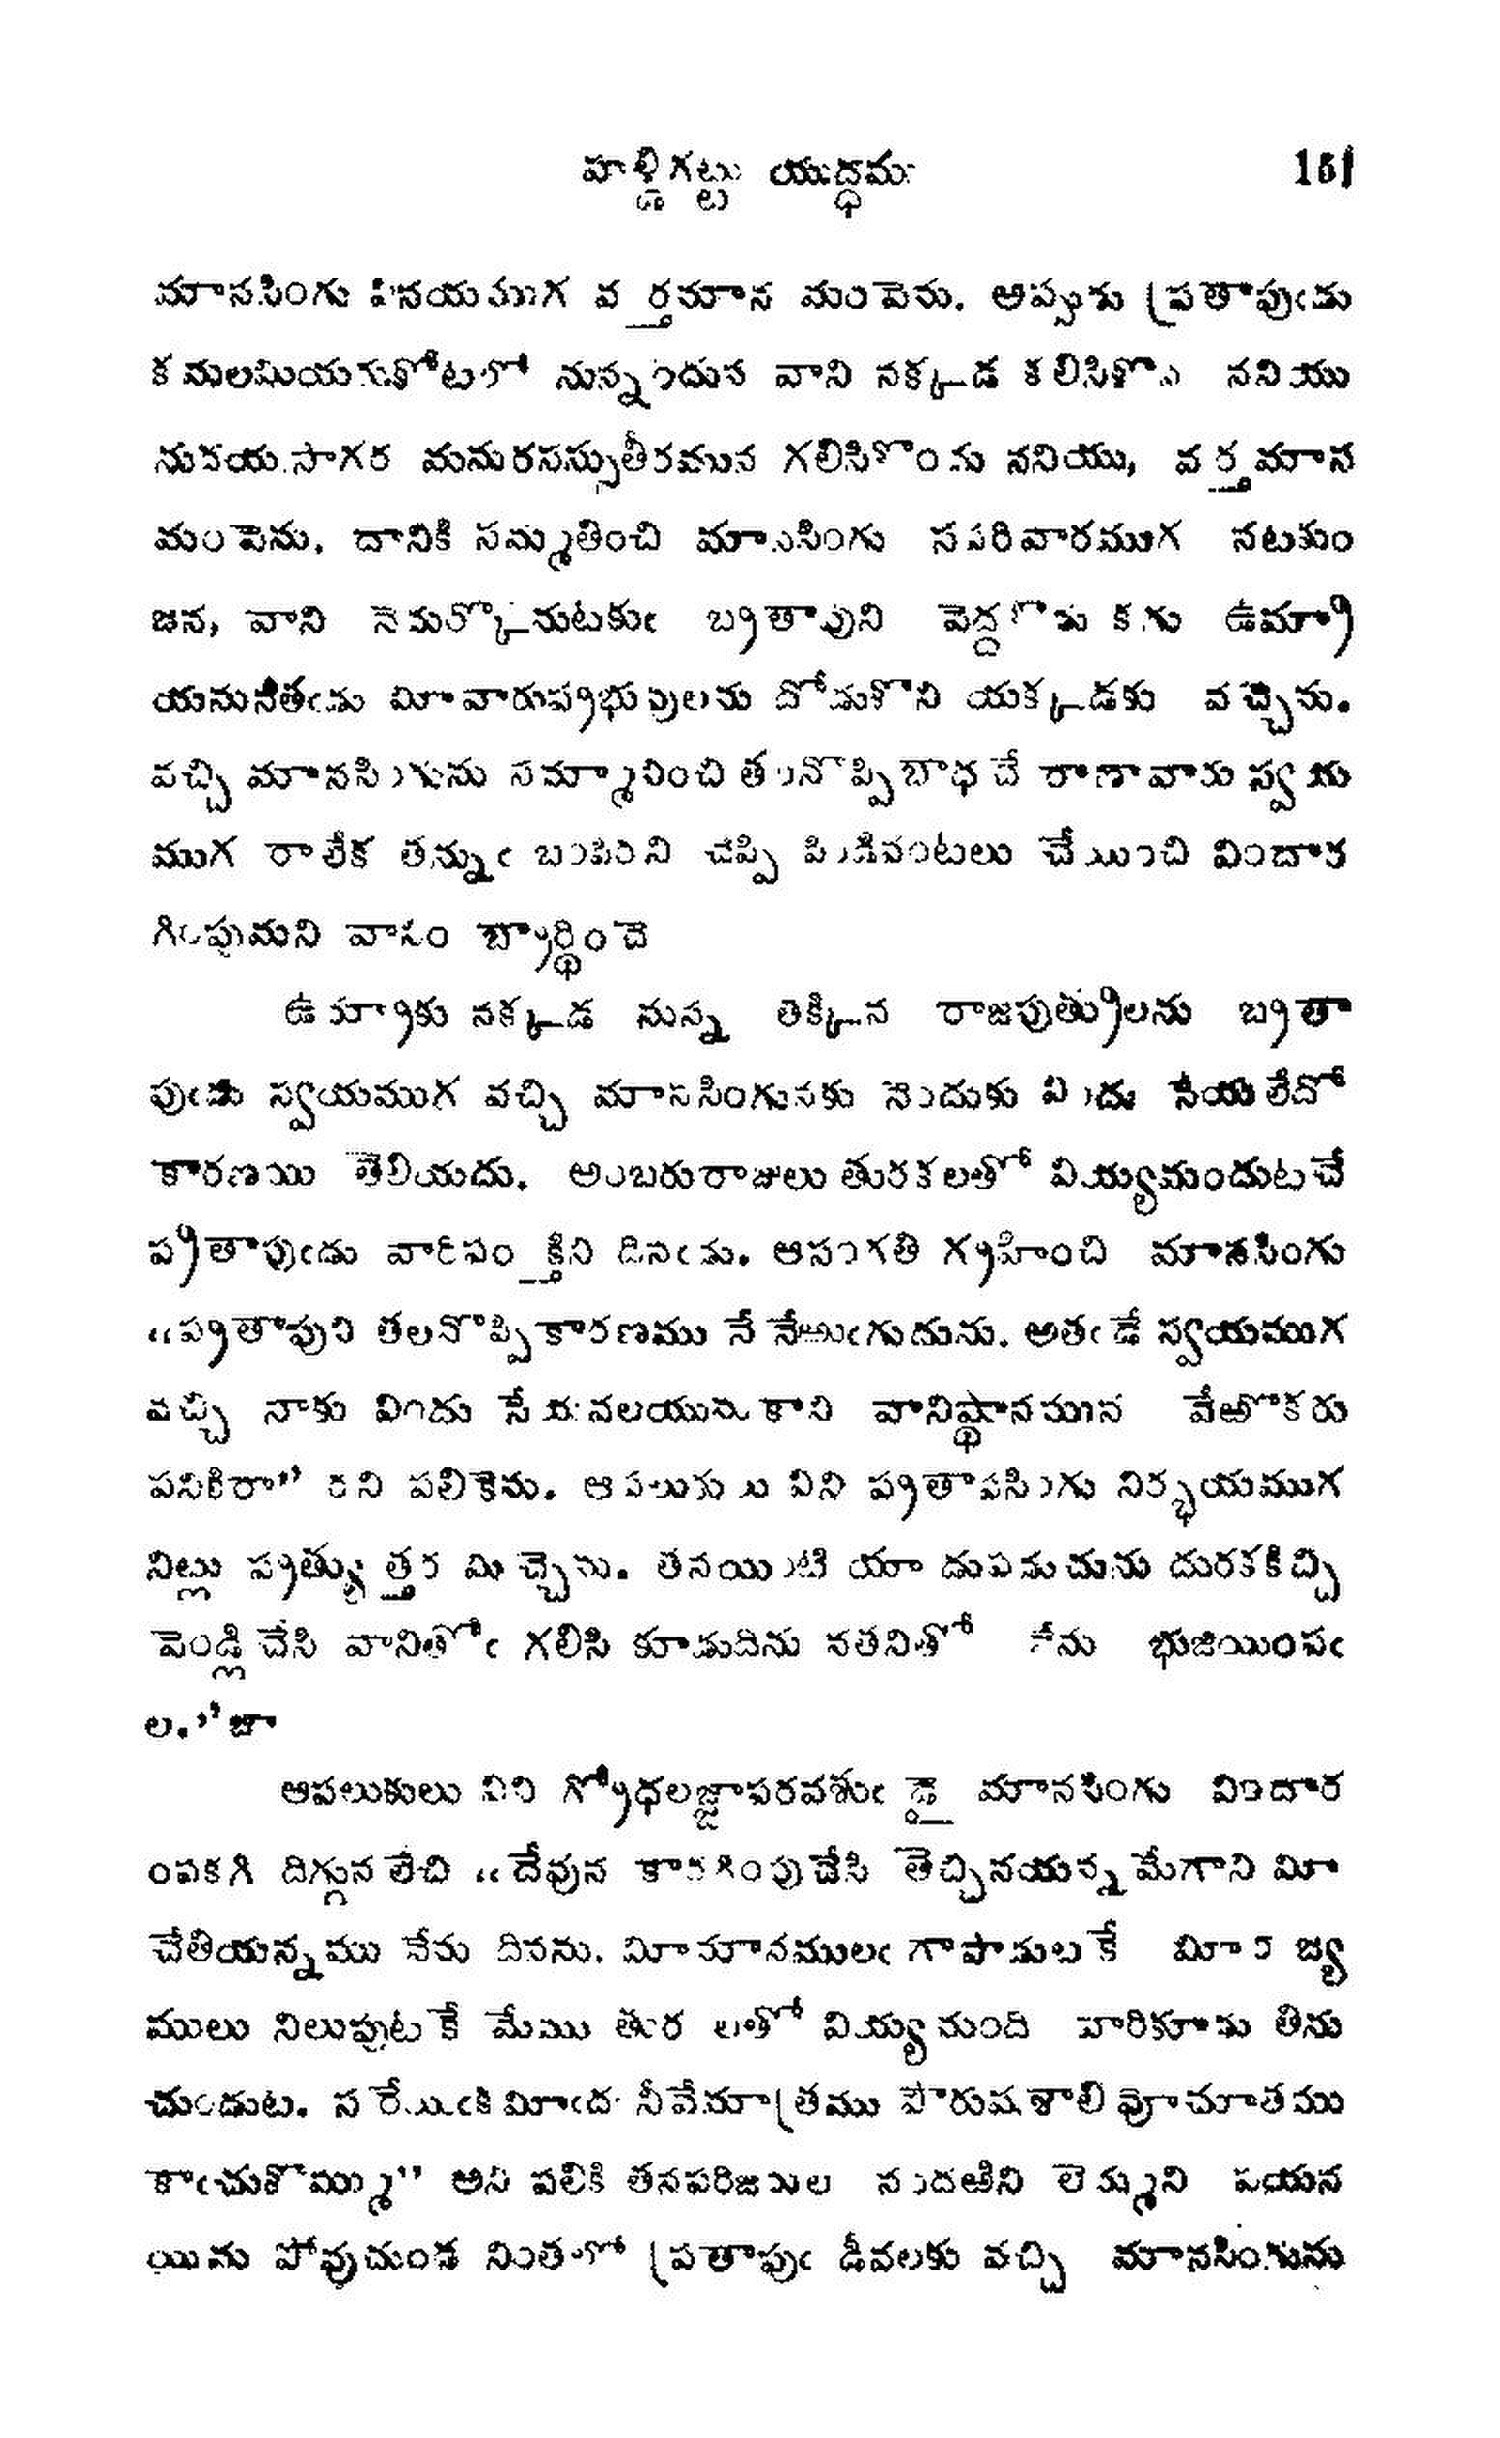మానసింగు వినయముగ వర్తమాన మంపెను. అప్పుడు ప్రతాపుఁడు కమలమియరు కోటలో నున్నందున వాని నక్కడ కలిసికొన ననియు
నుదయ సాగర మను రసస్సుతీరమున గలిసికొందు ననియు, వర్తమాన మంపెను, దానికి సమ్మతించి మానసింగు సపరివారముగ నటకుం
జన, వాని నేదుర్కొనుటకుఁ బ్రతాపుని పెద్దకోడు కగు ఉమ్రా యనునతఁడు మీవారు ప్రభువులను దోచుకొని యక్కడకు వచ్చెను.
వచ్చి మానసింగును సమ్మానించి తలనొప్పి బాధచే రాణావారు స్వయముగ రాలేక తన్నుఁ బంపిరని చెప్పి పిండివంటలు చేయించి విందార గింపుమని వానిం బ్రార్ధించె.

ఉమ్రాకు నక్కడ నున్న తక్కిన రాజపుత్రులను బ్రతాపుఁడు స్వయముగ వచ్చి మానసింగునకు నెందుకు విందు సేయ లేదో కారణము తెలియదు. అంబరు రాజులు తురకలతో వియ్యమందుటచే ప్రతాపుడు వారి పం_క్తిని దినఁడు. ఆసంగతి గ్రహించి మానసింగు "ప్రతాపుని తలనొప్పి కారణము నే నేఱుఁగుదును. అతఁడే స్వయముగ వచ్చి నాకు విందు సేయవలయును కాని వానిష్ఠానమున వేఱోకరు పనికిరా” రని పలికెను. ఆ పలుకులు విని ప్రతాపసింగు నిర్భయముగ నిట్లు ప్రత్యుత్తర మిచ్చెను. తనయింటి యా డుపడుచును దురక కిచ్చి పెండ్లి చేసి వానితోఁ గలిసి కూడుదిను నతనితో నేను భుజియింప జాల.

ఆపలుకులు విని గ్రోధలజ్జా పరవశుఁడై మానసింగు విందారంపకగి దిగ్గున లేచి "దేవున కారగింపు చేసి తెచ్చినయన్న మేగాని మీ చేతియన్నము నేను దినను. మీ మానములఁ గాపాడుటకే మీ రాజ్యములు నిలుపుటకే మేము తురకలతో వియ్య మంది వారికూడు తిను
చుండుట. సరేయింకి మీఁద నీవే మాత్రము పౌరుష శాలివో చూతము కాఁచుకోమ్ము" అని పలికి తన పరిజనుల నుందరిని లెమ్మని పయన
మయి పోవుచుండ నింతలో ప్రతాపుఁడీవలకు వచ్చి మానసింగును